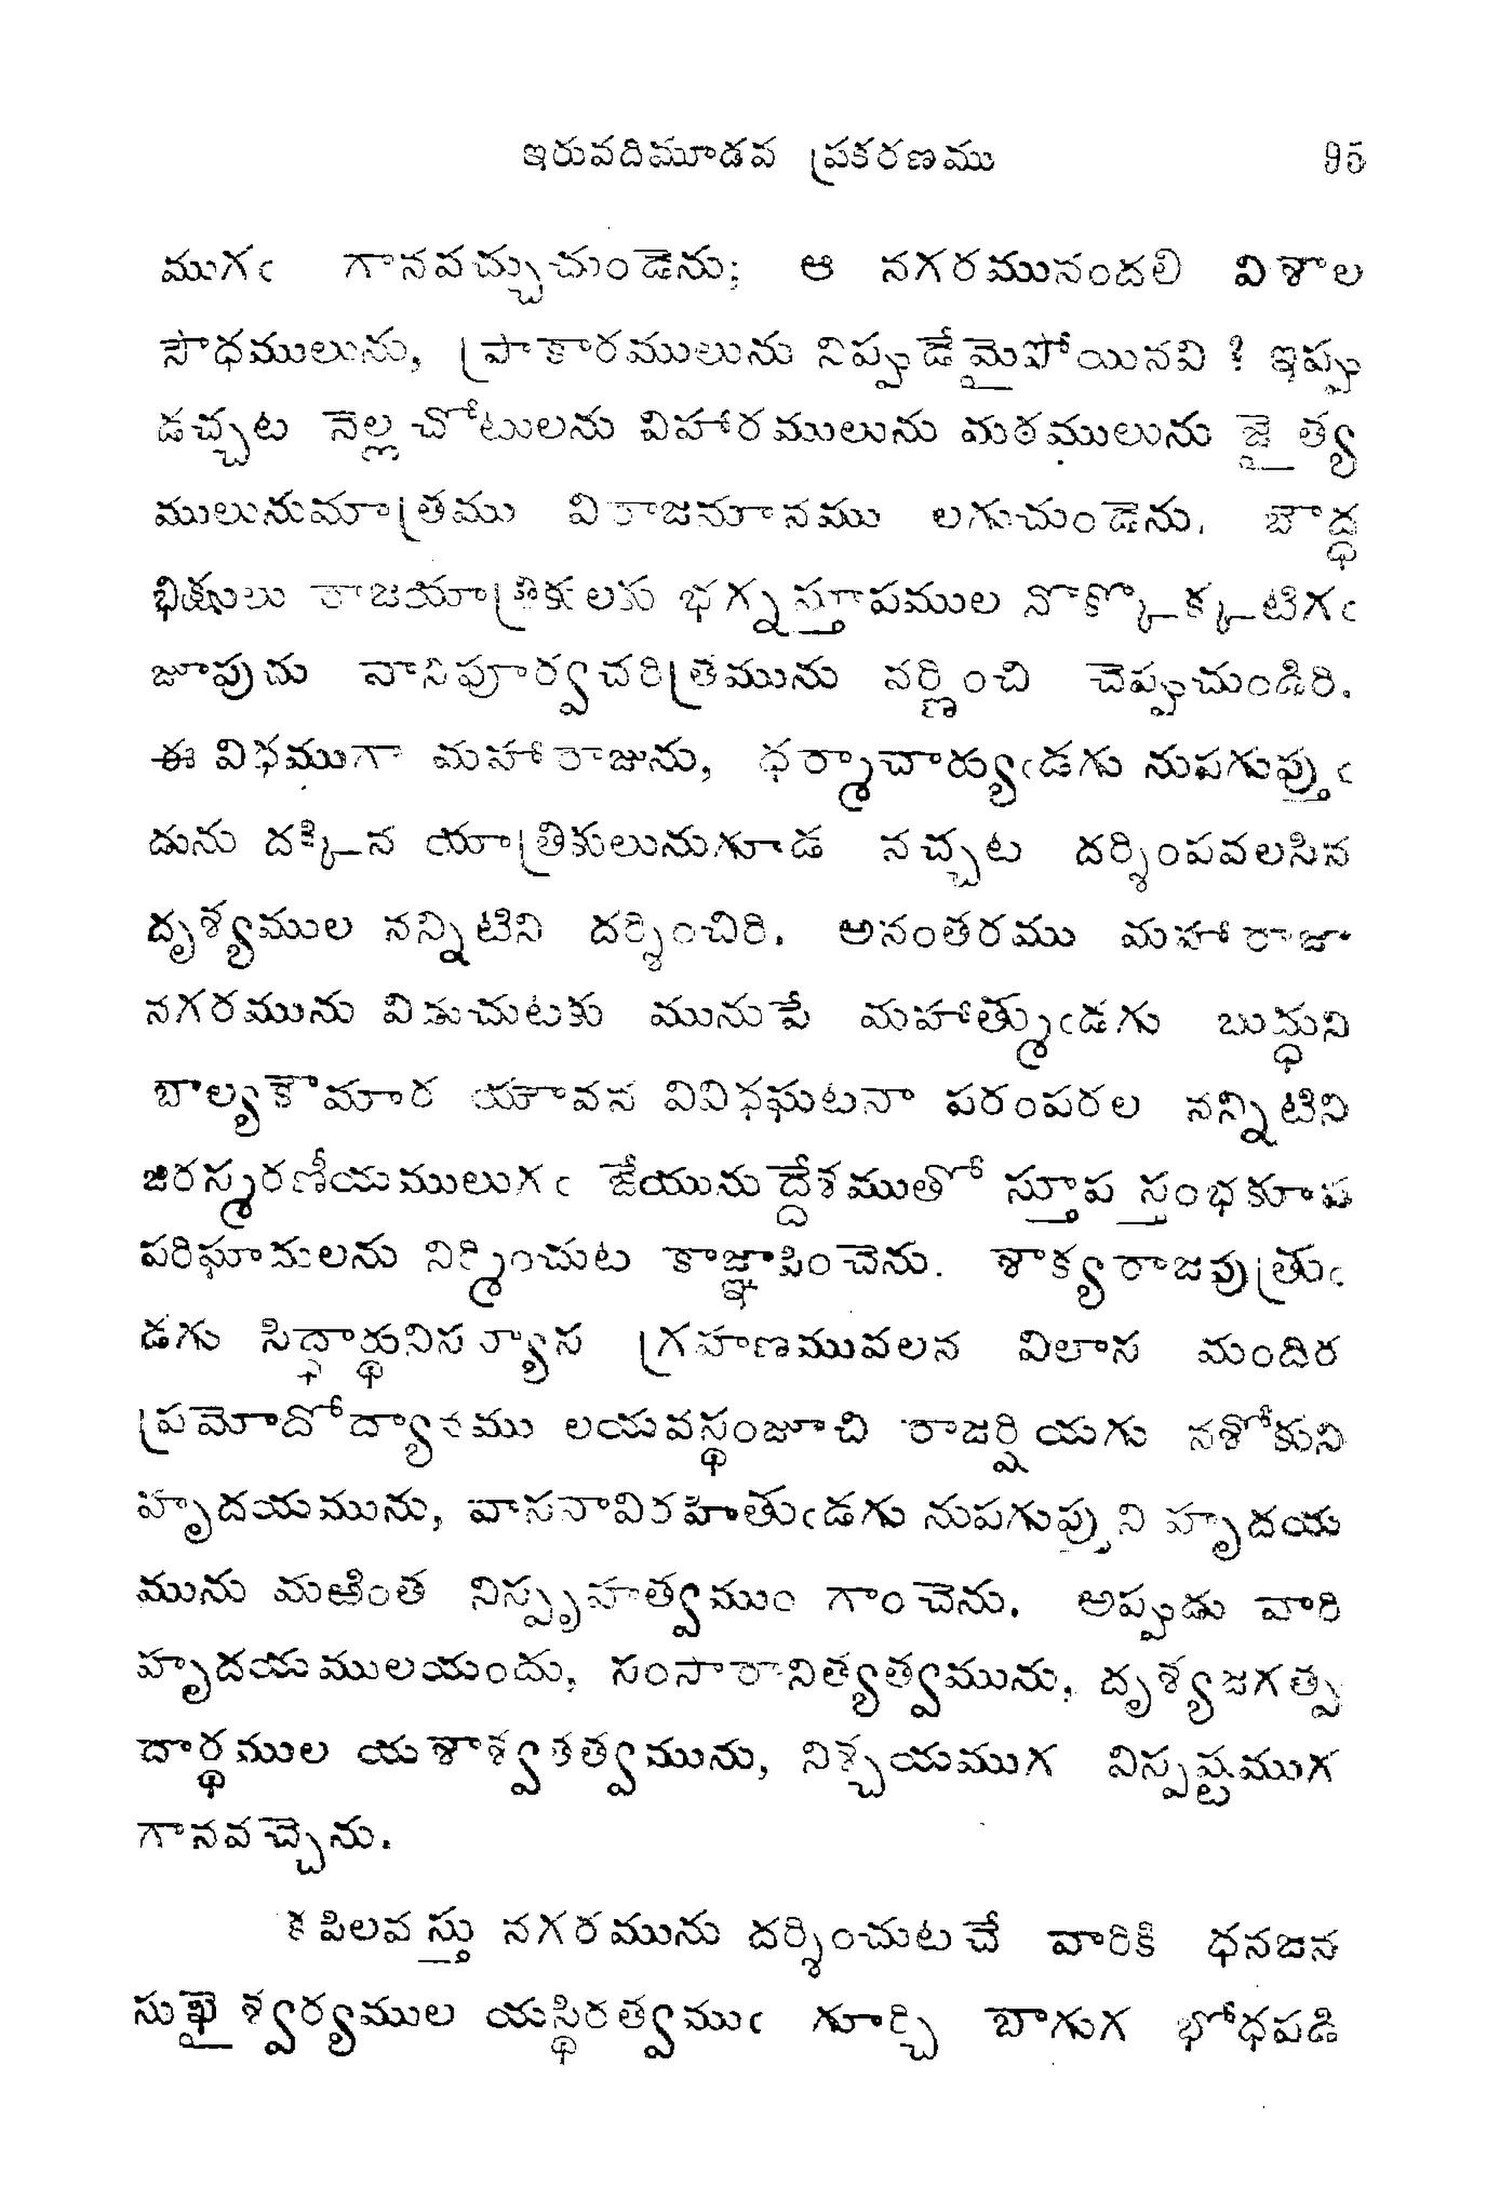ముగఁ గాననచ్చుచుండెను; ఆ నగరమునందలి విశాల సౌధములును, ప్రాకారములును నిప్పుడే మైపోయినవి? ఇప్పుడచ్చట నెల్ల చోటులను విహారములును మఠములును జైత్య
ములునుమాత్రము విరాజమానము లగుచుండెను. బౌద్ధ భిక్షులు రాజయాత్రికులకు భగ్నస్తూపముల నొక్కొక్కటిగఁ జూపును వాని పూర్వచరిత్రమును వర్ణించి చెప్పుచుండిరి.
ఈ విధముగా మహా రాజును, ధర్మాచార్యుఁడగు నుపగుప్తుఁ,డును దక్కిన యాత్రికులునుగూడ నచ్చట దర్శింపవలసిన దృశ్యముల నన్నిటిని దర్శించిరి. అనంతరము మహా రాజా
నగరమును విడుచుటకు మునుపే మహాత్ముఁడగు బుద్ధుని బాల్య కౌమార యౌవన వివిధఘటనా పరంపరల నన్నిటిని జిరస్మరణీయములుగఁ జేయునుద్దేశముతో స్తూప స్తంభ కూపపరిఘానులను నిర్మించుట కాజ్ఞాపించెను. శాక్య రాజపుత్రు,డగు సిద్ధార్థునిసన్యాస గ్రహణమువలన విలాసమందిర ప్రమోహాద్యానము లయవస్థంజూచి 'రాజర్షి యగు నశోకుని హృదయమును, వాసనావిరహితుఁడగు నుపగుప్తుని హృదయమును మఱింత నిస్పృహత్వముం గాంచెను. అప్పుడు వారి హృదయములయందు, సంసారా నిత్యత్వమును, దృశ్యజగత్సదార్థముల య శాశ్వతత్వమును, నిశ్చయముగ విస్పష్టముగ గానవచ్చేను.

కపిలవ స్తు నగరమును దర్శించుట చే వారికి ధనజన సుఖైశ్వర్యముల యస్థిరత్వముఁ గూర్చి బాగుగ భోధపడి